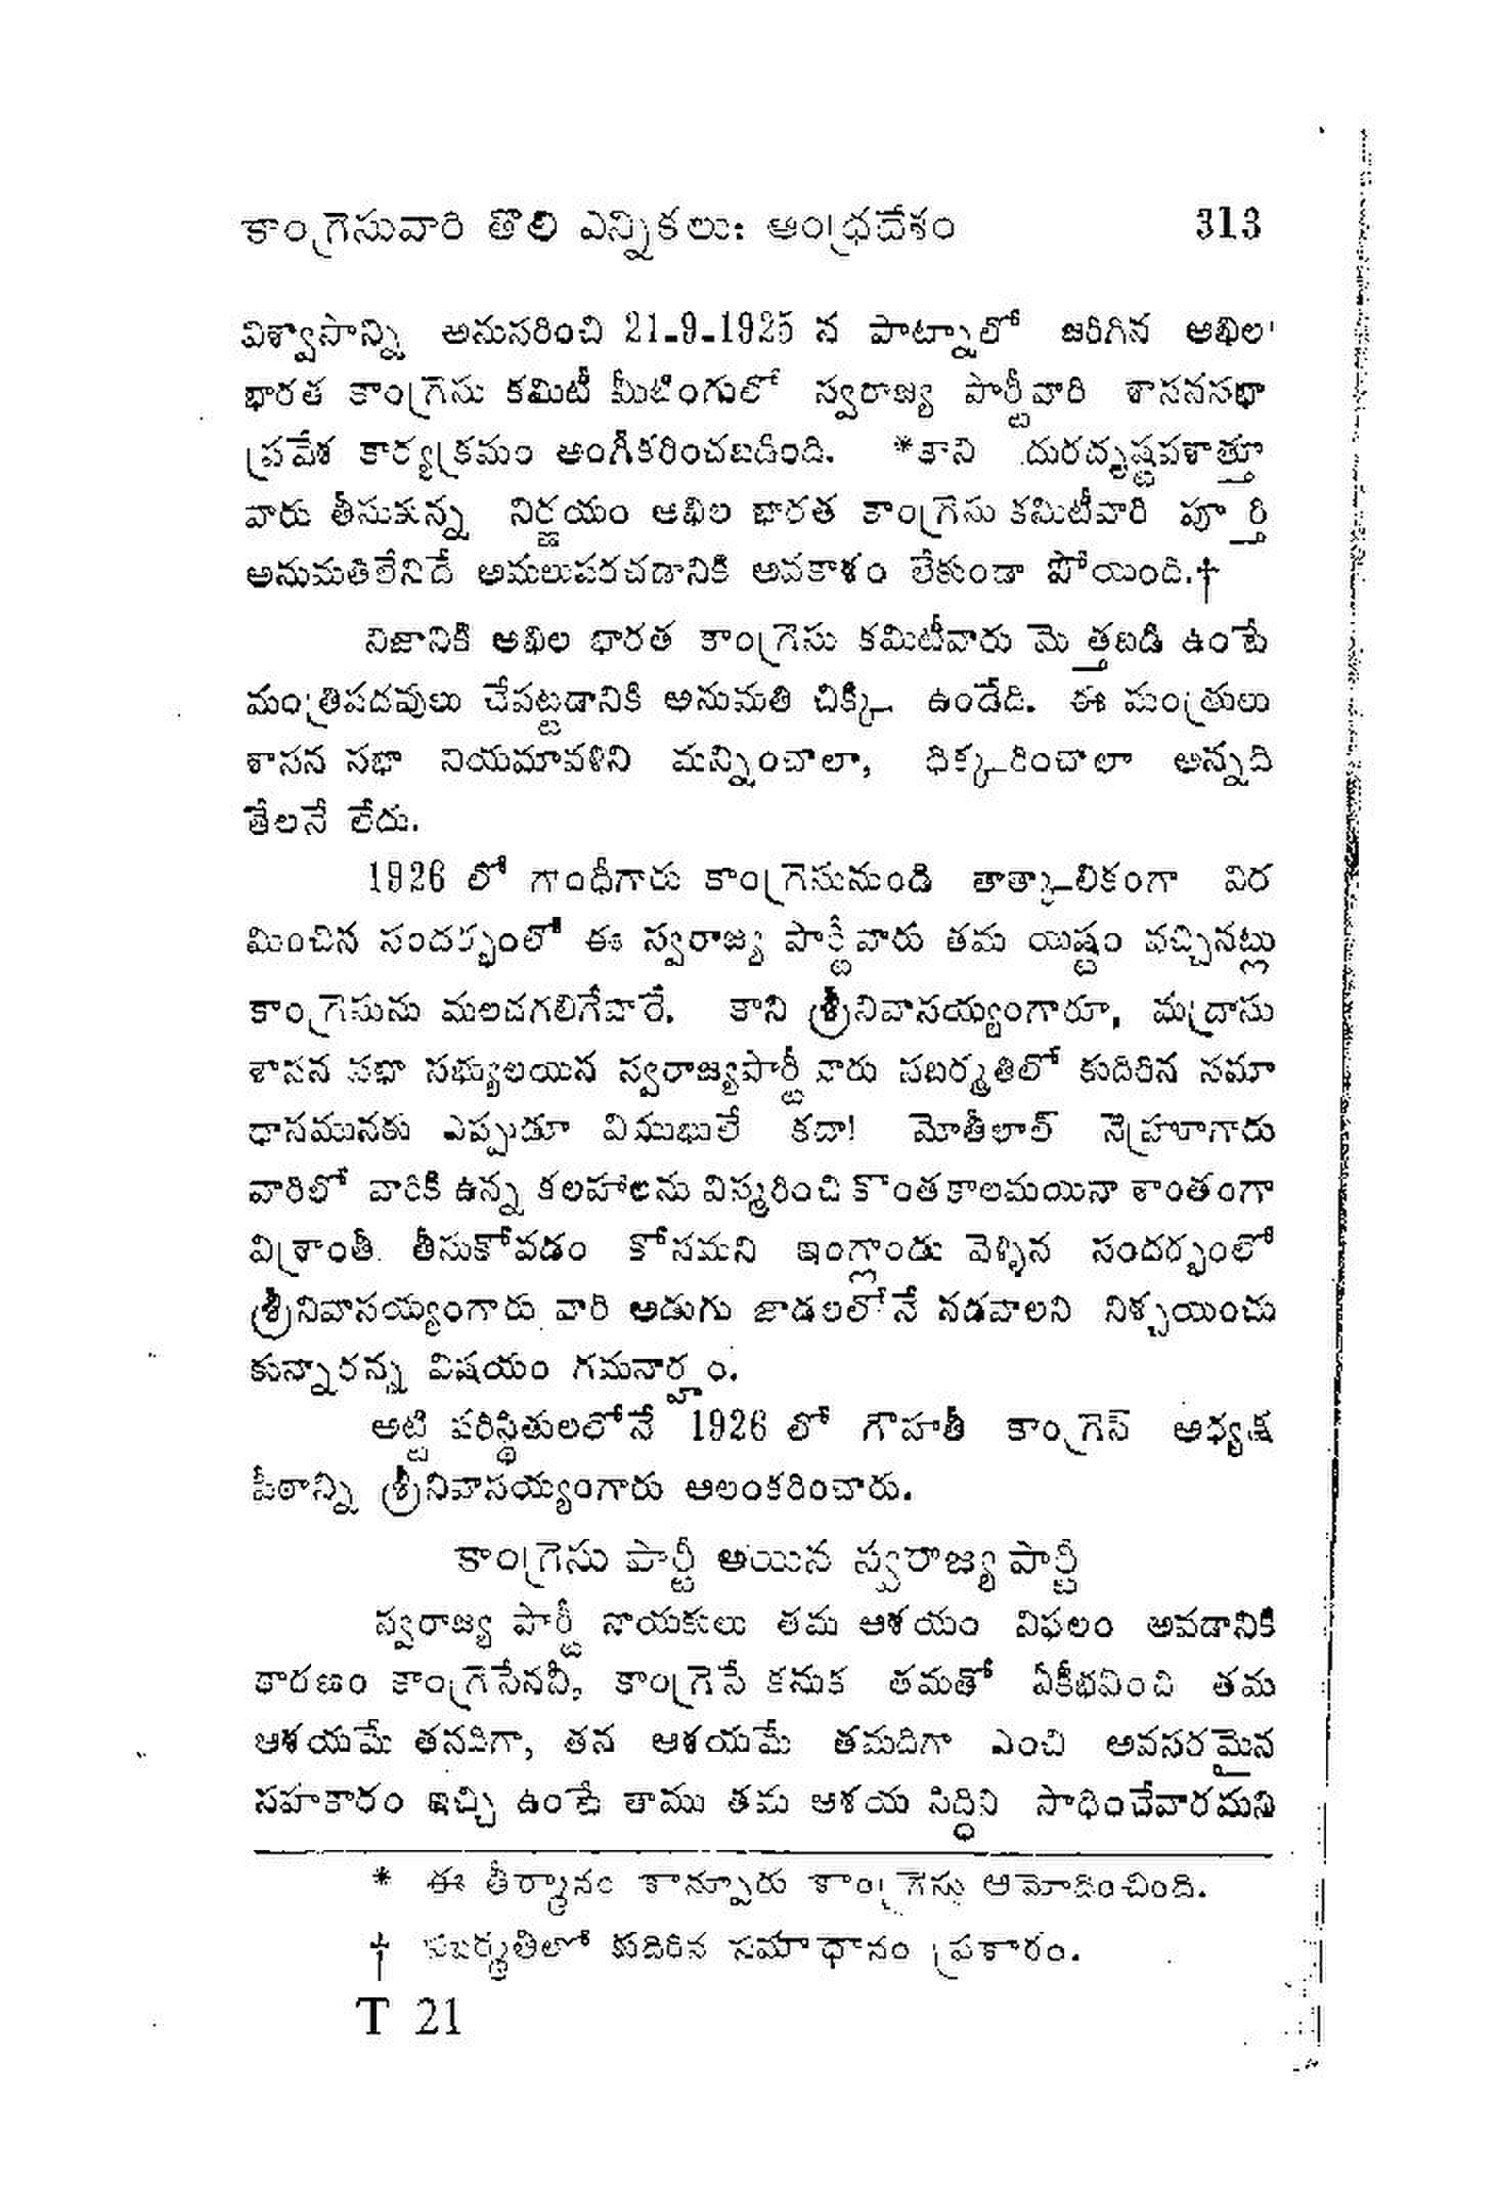విశ్వాసాన్ని అనుసరించి 21-9-1925 న పాట్నాలో జరిగిన అఖిల భారత కాంగ్రెసు కమిటీ మీటింగులో స్వరాజ్య పార్టీవారి శాసన సభా ప్రవేశ కార్యక్రమం అంగీకరించబడింది. కాని దురదృష్టవశాత్తూ వారు తీసుకున్న నిర్ణయం అఖిల భారత కాంగ్రెసు కమిటీవారి పూర్తి అనుమతిలేనిదే అమలుపరచడానికి అవకాశం లేకుండా పోయింది.

నిజానికి అఖిల భారత కాంగ్రెసు కమిటీవారు మెత్తబడి ఉంటే మంత్రిపదవులు చేపట్టడానికి అనుమతి చిక్కి ఉండేది. ఈ మంత్రులు శాసన సభా నియమావళిని మన్నించాలా, దిక్కరించాలా అన్నది తేలనే లేదు.

1926 లో గాంధీగారు కాంగ్రెసునుండి తాత్కాలికంగా విరమించిన సందర్భంలో ఈ స్వరాజ్య పార్టీవారు తమ యిష్టం వచ్చినట్లు కాంగ్రెసును మలచగలిగేవారే. కాని శ్రీనివాసయ్యంగారూ, మద్రాసు శాసన సభా సభ్యులయిన స్వరాజ్యపార్టీ వారు సబర్మతిలో కుదిరిన సమాధానమునకు ఎప్పుడూ విముఖులే కదా! మోతీలాల్ నెహ్రూగారు వారిలో వారికి ఉన్న కలహాలను విస్మరించి కొంతకాలమయినా శాంతంగా విశ్రాంతీ తీసుకోవడం కోసమని ఇంగ్లాండు వెళ్ళిన సందర్భంలో శ్రీనివాసయ్యంగారు వారి అడుగు జాడలలోనే నడవాలని నిశ్చయించు కున్నారన్న విషయం గమనార్హం.

అట్టి పరిస్థితులలోనే 1926 లో గౌహతీ కాంగ్రెస్ అధ్యక్షపీఠాన్ని శ్రీనివాసయ్యంగారు అలంకరించారు.

స్వరాజ్య పార్టీ నాయకుల తమ ఆశయం విఫలం అవడానికి కారణం కాంగ్రెసేననీ, కాంగ్రెసే కనుక తమతో ఏకీభవించి తమ ఆశయమే తనదిగా, తన ఆశయమే తమదిగా ఎంచి అవసరమైన సహకారం ఇచ్చి ఉంటే తాము తమ ఆశయ సిద్దిని సాధించేవారమని